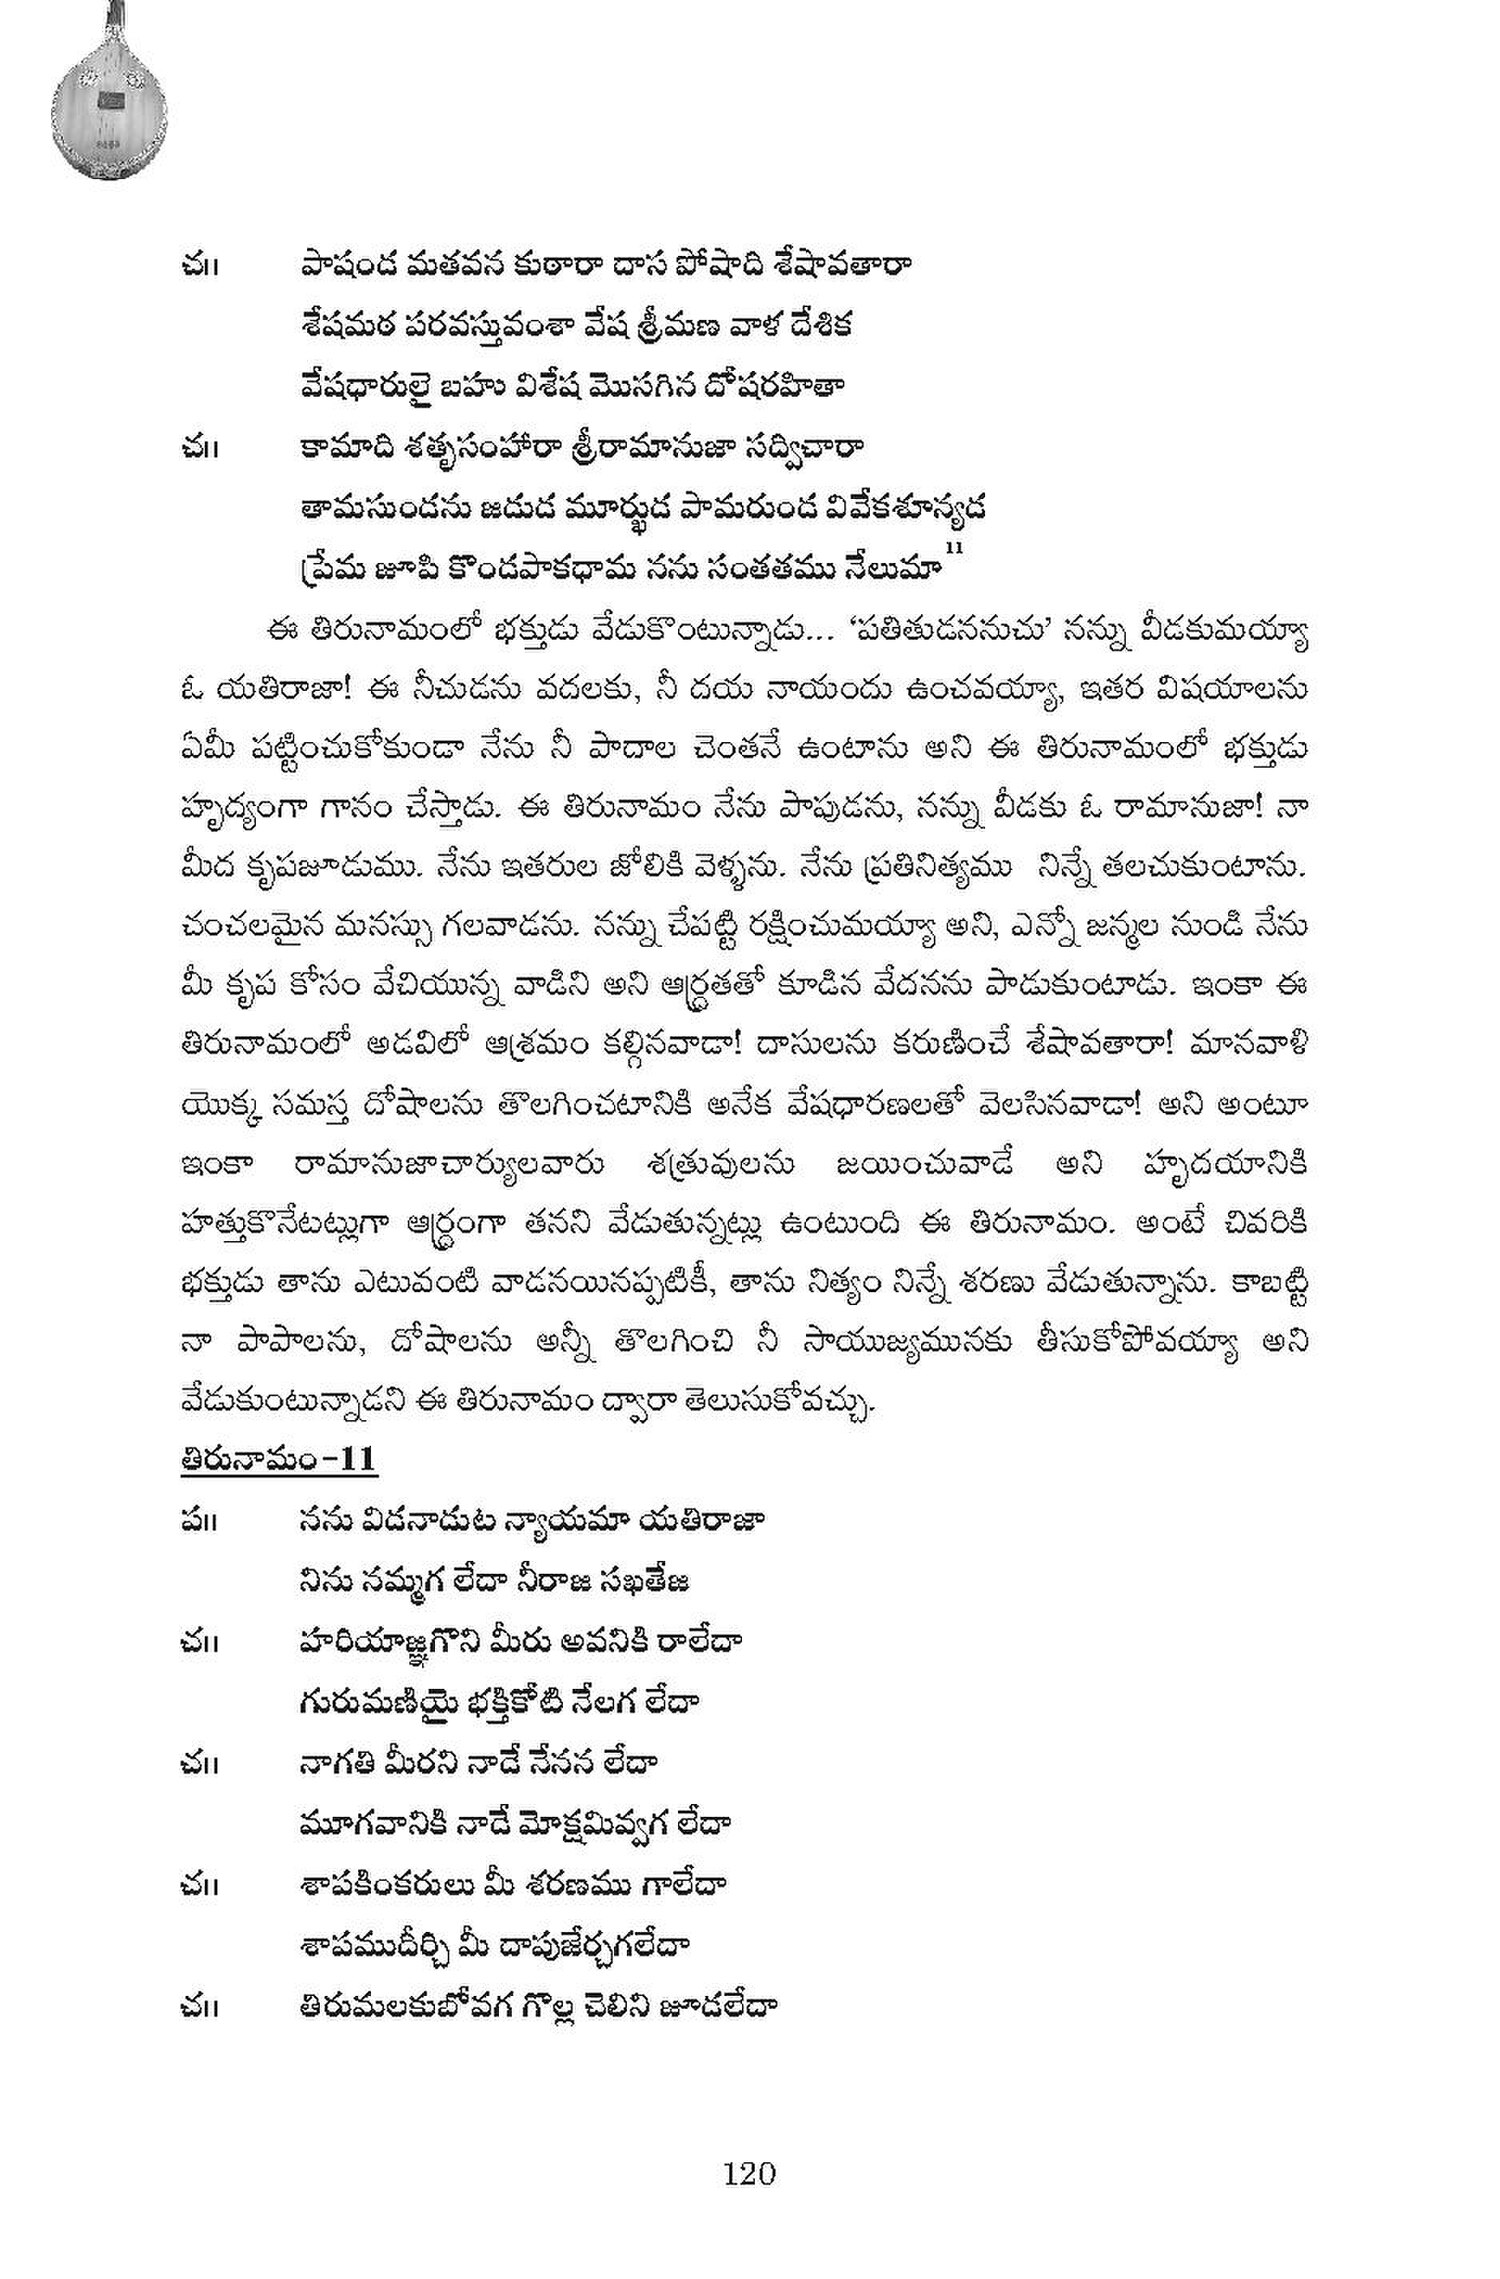చ౹౹ పాషండ మతవన కుఠారా దాస పోషాది శేషావతారా
శేషమఠ పరవస్తువంశా వేష శ్రీమణ వాళ దేశిక
వేషధారులై బహు విశేష మొసగిన దోషరహితా

చ౹౹ కామాది శతృసంహారా శ్రీరామానుజా సద్విచారా
తామసుండను జదుడ మూర్ఖుడ పామరుండ వివేకశూన్యడ
ప్రేమ జూపి కొండపాకధామ నను సంతతము నేలుమా11

ఈ తిరునామంలో భక్తుడు వేడుకొంటున్నాడు... 'పతితుడననుచు' నన్ను వీడకుమయ్యా ఓ యతిరాజా! ఈ నీచుడను వదలకు, నీ దయ నాయందు ఉంచవయ్యా, ఇతర విషయాలను ఏమీ పట్టించుకోకుండా నేను నీ పాదాల చెంతనే ఉంటాను అని ఈ తిరునామంలో భక్తుడు హృద్యంగా గానం చేస్తాడు. ఈ తిరునామం నేను పాపుడను, నన్ను వీడకు ఓ రామానుజా! నా మీద కృపజూడుము. నేను ఇతరులు జోలికి వెళ్ళను. నేను ప్రతినిత్యము నిన్నే తలచుకుంటాను.
చంచలమైన మనస్సు గలవాడను. నన్ను చేప రక్షించుమయ్యా అని, ఎన్నో జన్మల నుండి నేను మీ కృప కోసం వేచియున్న వాడిని అని అర్ద్రతతో కూడిన వేదనను పాడుకుంటాడు. ఇంకా ఈ తిరునామంలో అడవిలో ఆశ్రమం కల్గినవాడా! దాసులను కరుణించే శేషావతారా! మానవాళి యొక్క సమస్త దోషాలను తొలగించటానికి అనేక వేషధారణలతో వెలసినవాడా! అని అంటూ ఇంకా రామానుజాచార్యులవారు శత్రువులను జయించువాడే అని హృదయానికి హత్తుకొనేటట్లుగా అర్ధంగా తనని వేడుతున్నట్లు ఉంటుంది ఈ తిరునామం. అంటే చివరికి భక్తుడు తాను ఎటువంటి వాడనయినప్పటికీ, తాను నిత్యం నిన్నే శరణు వేడుతున్నాను. కాబట్టి నా పాపాలను, దోషాలను అన్నీ తొలగించి నీ సాయుజ్యమునకు తీసుకోపోవయ్యా అని వేడుకుంటున్నాడని ఈ తిరునామం ద్వారా తెలుసుకోవచ్చు.

తిరునామం-11

ప౹౹ నను విడనాడుట న్యాయమా యతిరాజా
నీను నమ్మగ లేదా నీరాజ సఖతేజ

చ౹౹హరియాజ్ఞగొని మీరు అవనికి రాలేదా
గురుమణియై భక్తికోటి నేలగ లేదా

చ౹౹ నాగతి మీరని నాడే నేనన లేదా
మూగవానికి నాడే మోక్షమివ్వగ లేదా

చ౹౹ శాపకింకరులు మీ శరణము గాలేదా
శాపముదీర్చి మీ దాపుజేర్చగలేదా

చ౹౹ తిరుమలకుబోవగ గొల్ల చెలిని జూడలేదా